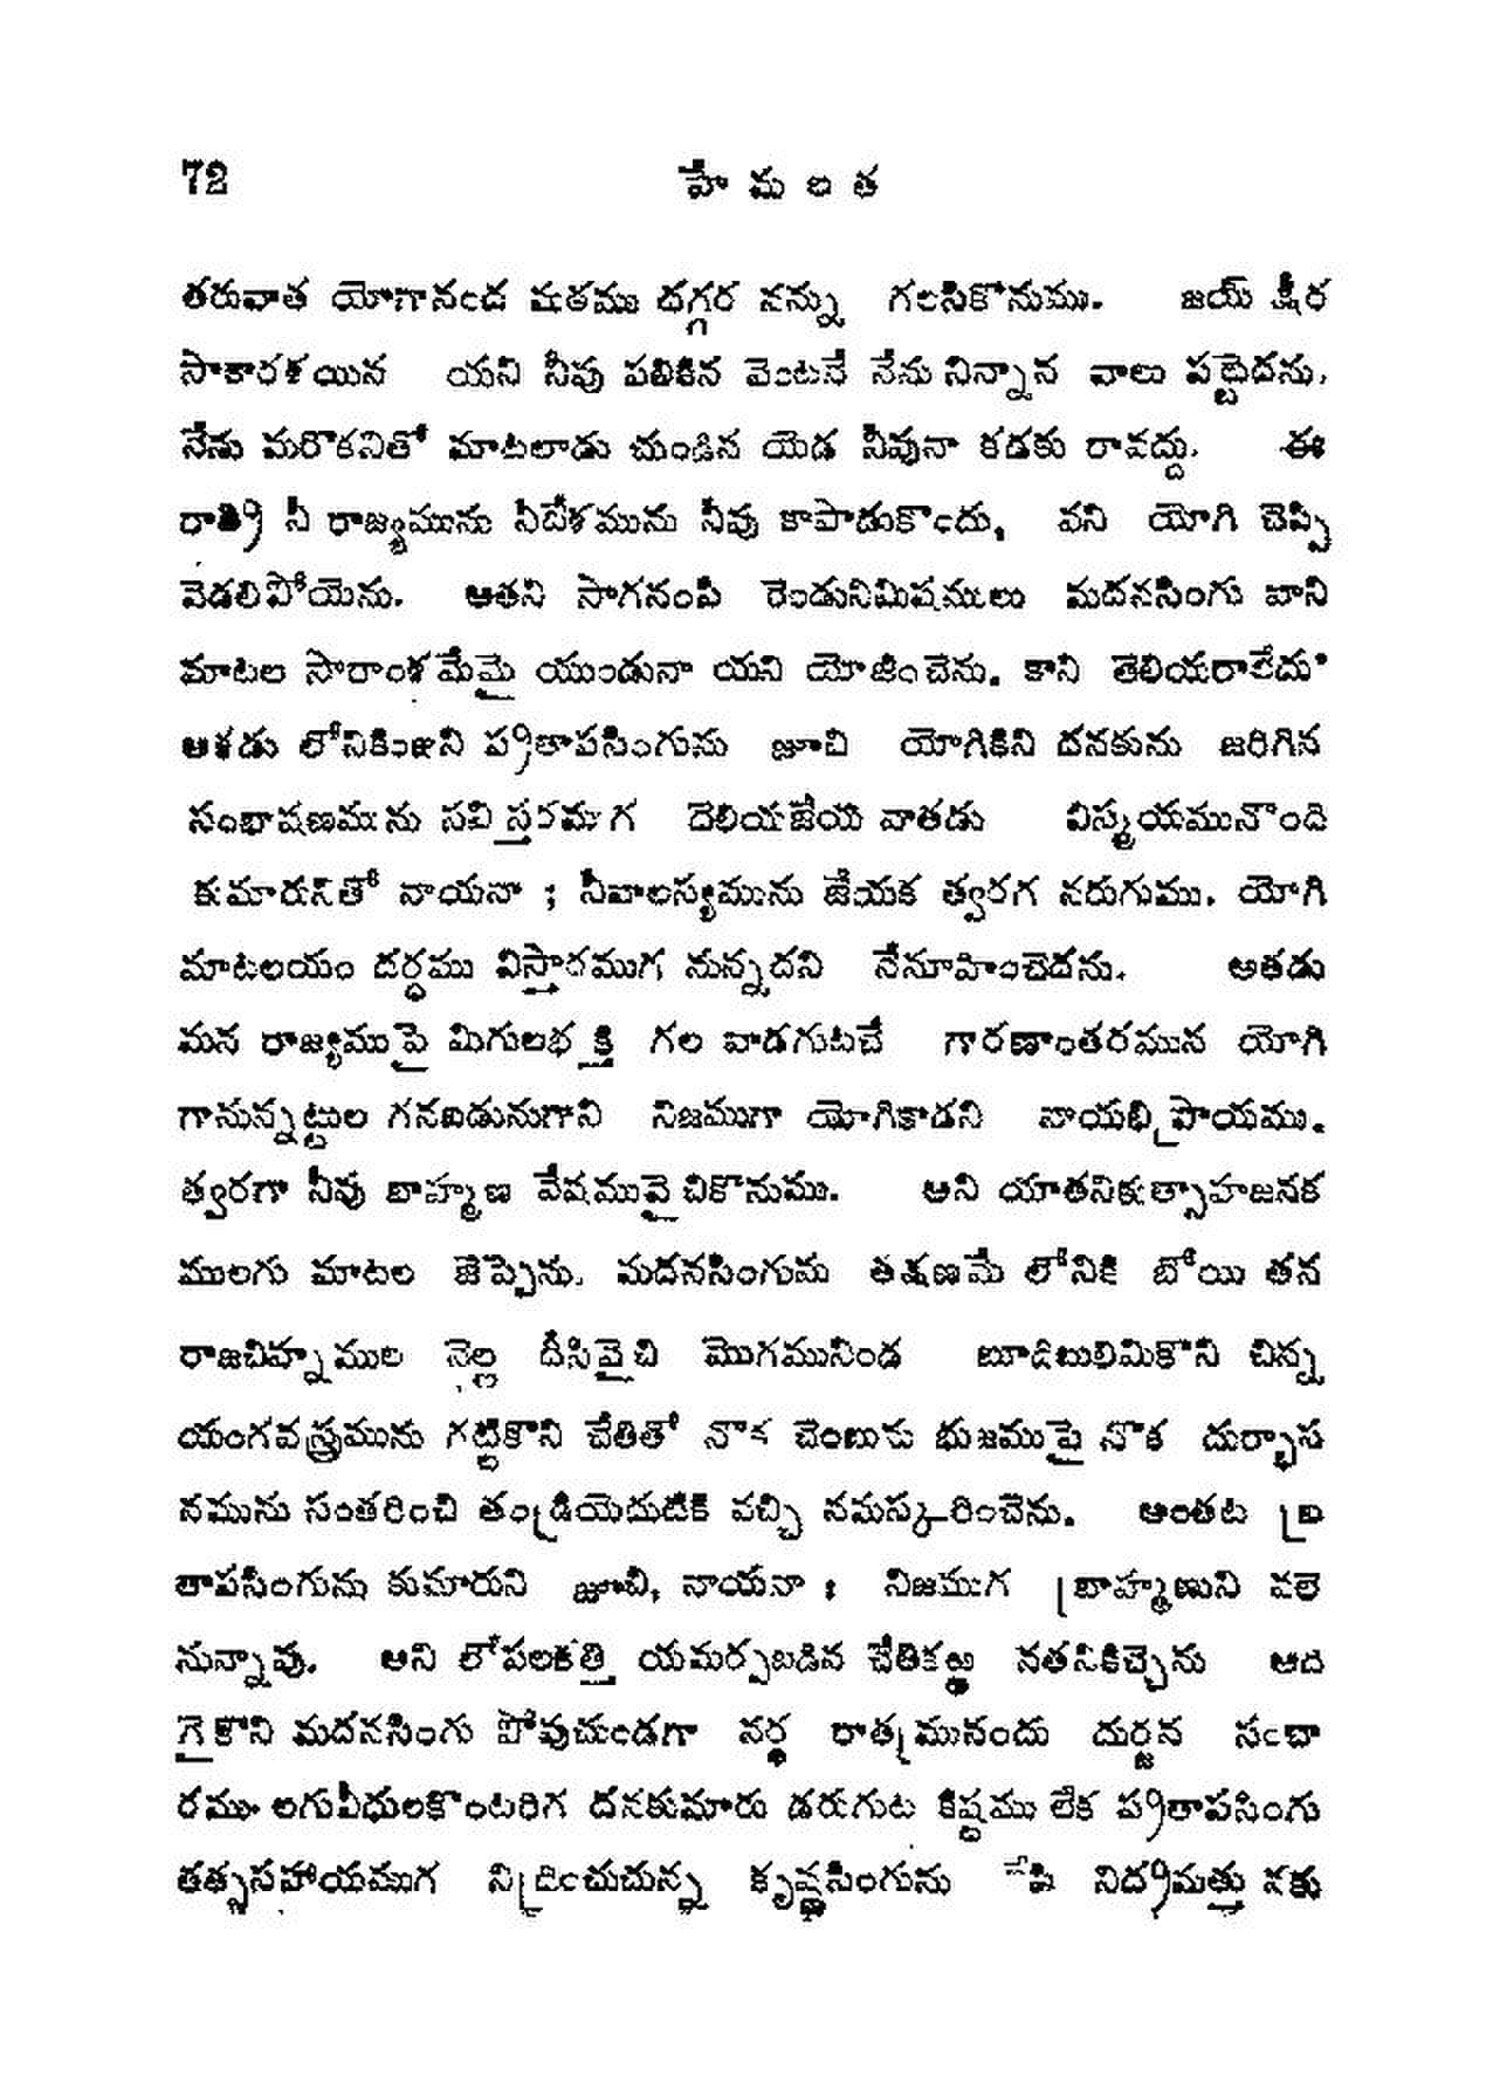తరువాత యోగానంద మఠము దగ్గర నన్ను గలసికొనుము. జయ్ క్షీరసాకారశయిన యని నీవు పలికిన వెంటనే నేను నిన్నానవాలు పట్టెదను. నేను మరొకనితో మాటలాడు చుండిన యెడ నీవు నాకడకు రావద్దు. ఈ రాత్రి నీ రాజ్యమును నీదేశమును నీవు కాపాడుకొందు వని యోగి చెప్పి వెడలిపోయెను. అతని సాగనంపి రెండునిమిషములు మదనసింగు వాని మాటల సారాంశమేమై యుండునా యని యోజించెను. కాని తెలియరాలేదు. అతడు లోనికిం జని ప్రతాపసింగును జూచి యోగికిని దనకును జరిగిన సంభాషణమును సవిస్తరముగ దెలియజేయ నాతడు విస్మయమునొంది కుమారునితో నాయనా! నీవాలస్యమును జేయక త్వరగ నరుగుము. యోగి మాటలయం దర్థము విస్తారముగ నున్నదని నేనూహించెదను. అతడు మనరాజ్యముపై మిగుల భక్తి గలవాడగుటచే గారణాంతరమున యోగిగానున్నట్టుల గనబడునుగాని నిజముగా యోగికాడని నాయభిప్రాయము. త్వరగా నీవు బ్రాహ్మణ వేషమువైచికొనుము. అని యాతనికుత్సాహజనకములగు మాటల జెప్పెను. మదనసింగును తక్షణమే లోనికిబోయి తన రాజచిహ్నముల నెల్ల దీసివైచి మొగమునిండ బూదిబులిమికొని చిన్న యంగవస్త్రమును గట్టికొని చేతితో నొక చెంబును భుజముపై నొక దుర్భాసనమును సంతరించి తండ్రియెదుటికి వచ్చి నమస్కరించెను. అంతట బ్రతాపసింగును కుమారుని జూచి, నాయనా! నిజముగ బ్రాహ్మణుని వలె నున్నావు. అని లోపలకత్తి యమర్పబడిన చేతికఱ్ఱ నతనికిచ్చెను. అదిగైకొని మదనసింగు పోవుచుండగా నర్థ రాత్రమునందు దుర్జన సంచారములగువీధులకొంటరిగ దనకుమారు డరుగుట కిష్టములేక ప్రతాపసింగు తత్సహాయముగ నిద్రించుచున్న కృష్ణసింగును లేపి నిద్రమత్తునకు